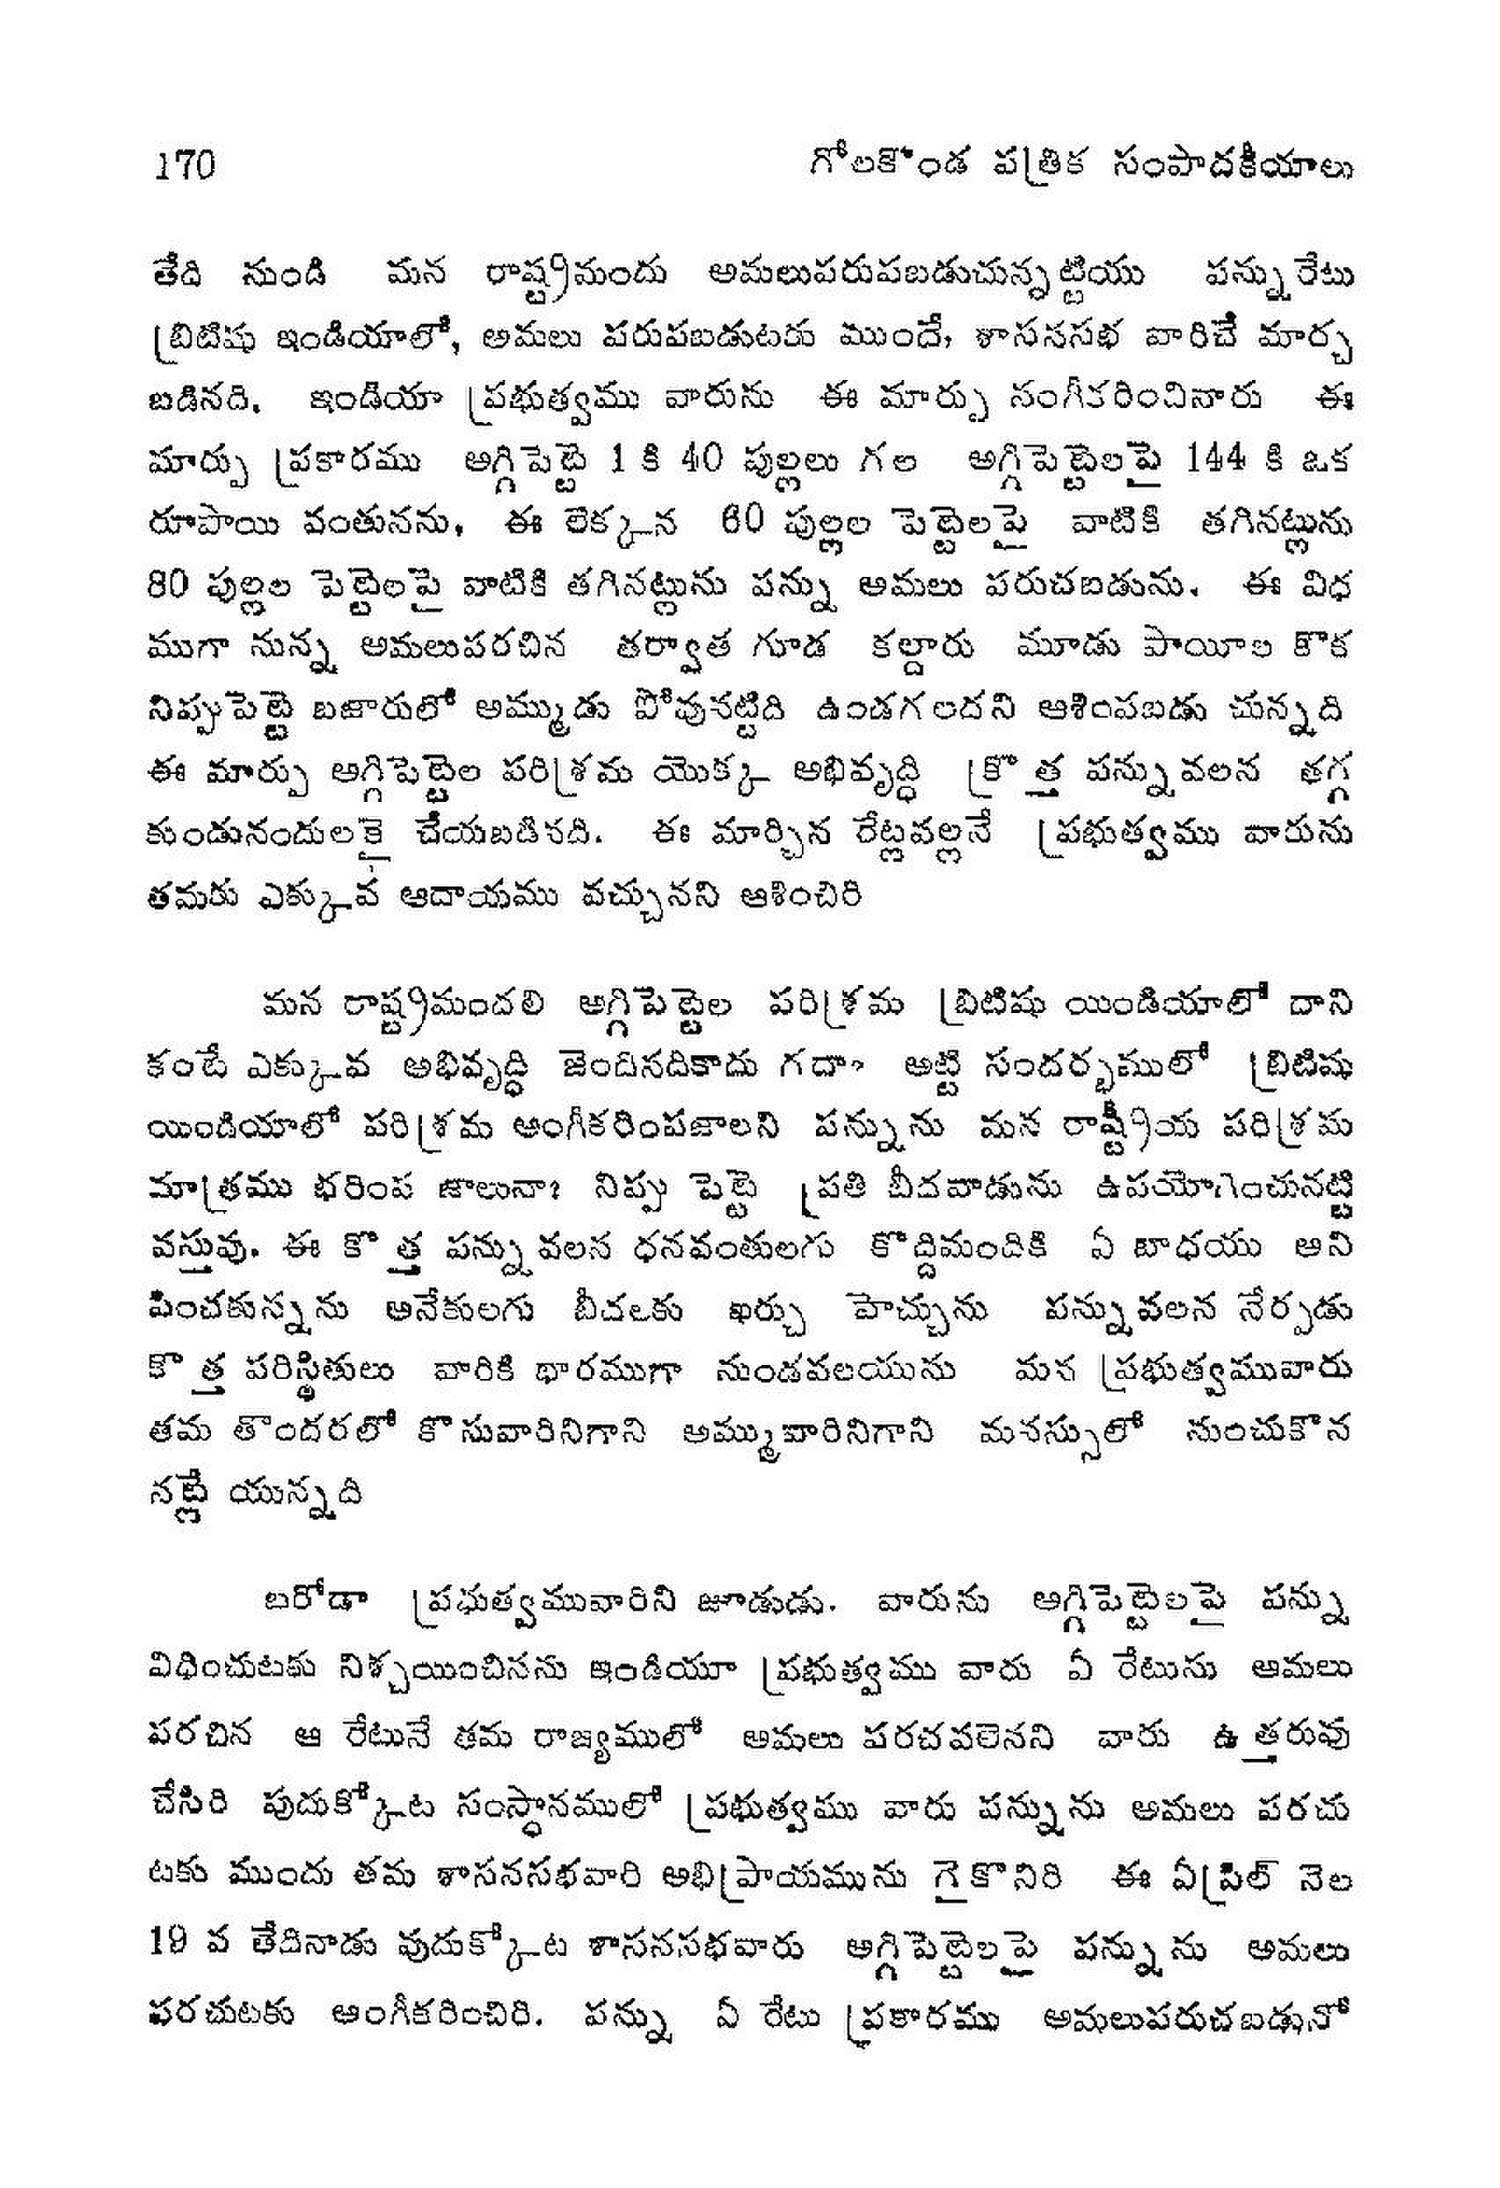తేది నుండి మన రాష్ట్రమందు అమలుపరుపబడుచున్నట్టియు పన్ను రేటు బ్రిటిషు ఇండియాలో, అమలు పరుపబడుటకు ముందే, శాసనసభ వారిచే మార్చబడినది. ఇండియా ప్రభుత్వము వారును ఈ మార్పు సంగీకరించినారు ఈ మార్పు ప్రకారము అగ్గిపెట్టె 1కి 40 పుల్లలు గల అగ్గిపెట్టెలపై 144 కి ఒక రూపాయి వంతునను, ఈ లెక్కన 60 పుల్లల పెట్టెలపై వాటికి తగినట్లును 80 పుల్లలు పెట్టెలపై వాటికి తగినట్లును పన్ను అమలు పరుచబడును. ఈ విధముగా నున్న అమలుపరచిన తర్వాత గూడ కల్దారు మూడు పాయీల కొక నిప్పుపెట్టె బజారులో అమ్ముడు పోవునట్టిది ఉండగలదని ఆశింపబడు చున్నది ఈ మార్పు అగ్గిపెట్టెల పరిశ్రమ యొక్క అభివృద్ధి క్రొత్త పన్ను వలన తగ్గకుండునందులకై చేయబడినది. ఈ మార్చిన రేట్లవల్లనే ప్రభుత్వము వారును తమకు ఎక్కువ ఆదాయము వచ్చునని ఆశించిరి

మన రాష్ట్రమందలి అగ్గిపెట్టెల పరిశ్రమ బ్రిటిషు యిండియాలో దానికంటే ఎక్కువ అభివృద్ధి జెందినదికాదు గదా? అట్టి సందర్భములో బ్రిటిషు యిండియాలో పరిశ్రమ అంగీకరింపజాలని పన్నును మన రాష్ట్రీయ పరిశ్రమ మాత్రము భరింప జాలునా? నిప్పు పెట్టె ప్రతి బీదవాడును ఉపయోగించునట్టి వస్తువు. ఈ కొత్త పన్ను వలన ధనవంతులగు కొద్దిమందికి ఏ బాధయు అనిపించకున్నను అనేకులగు బీదలకు ఖర్చు హెచ్చును పన్నువలన నేర్పడు కొత్త పరిస్థితులు వారికి భారముగా నుండవలయును మన ప్రభుత్వమువారు తమ తొందరలో కొనువారినిగాని అమ్మువారినిగాని మనస్సులో నుంచుకొన నట్లే యున్నది

బరోడా ప్రభుత్వమువారిని జూడుడు. వారును అగ్గిపెట్టెలపై పన్ను విధించుటకు నిశ్చయించినను ఇండియూ ప్రభుత్వము వారు ఏ రేటును అమలు పరచిన ఆ రేటునే తమ రాజ్యములో అమలు పరచవలెనని వారు ఉత్తరువు
చేసిరి పుదుక్కోట సంస్థానములో ప్రభుత్వము వారు పన్నును అమలు పరచుటకు ముందు తమ శాసనసభవారి అభిప్రాయమును గైకొనిరి ఈ ఏప్రిల్ నెల 19 వ తేదీనాడు పుదుక్కోట శాసనసభవారు అగ్గిపెట్టెలపై పన్నును అమలు పరచుటకు అంగీకరించిరి. పన్ను ఏ రేటు ప్రకారము అమలుపరుచబడునో